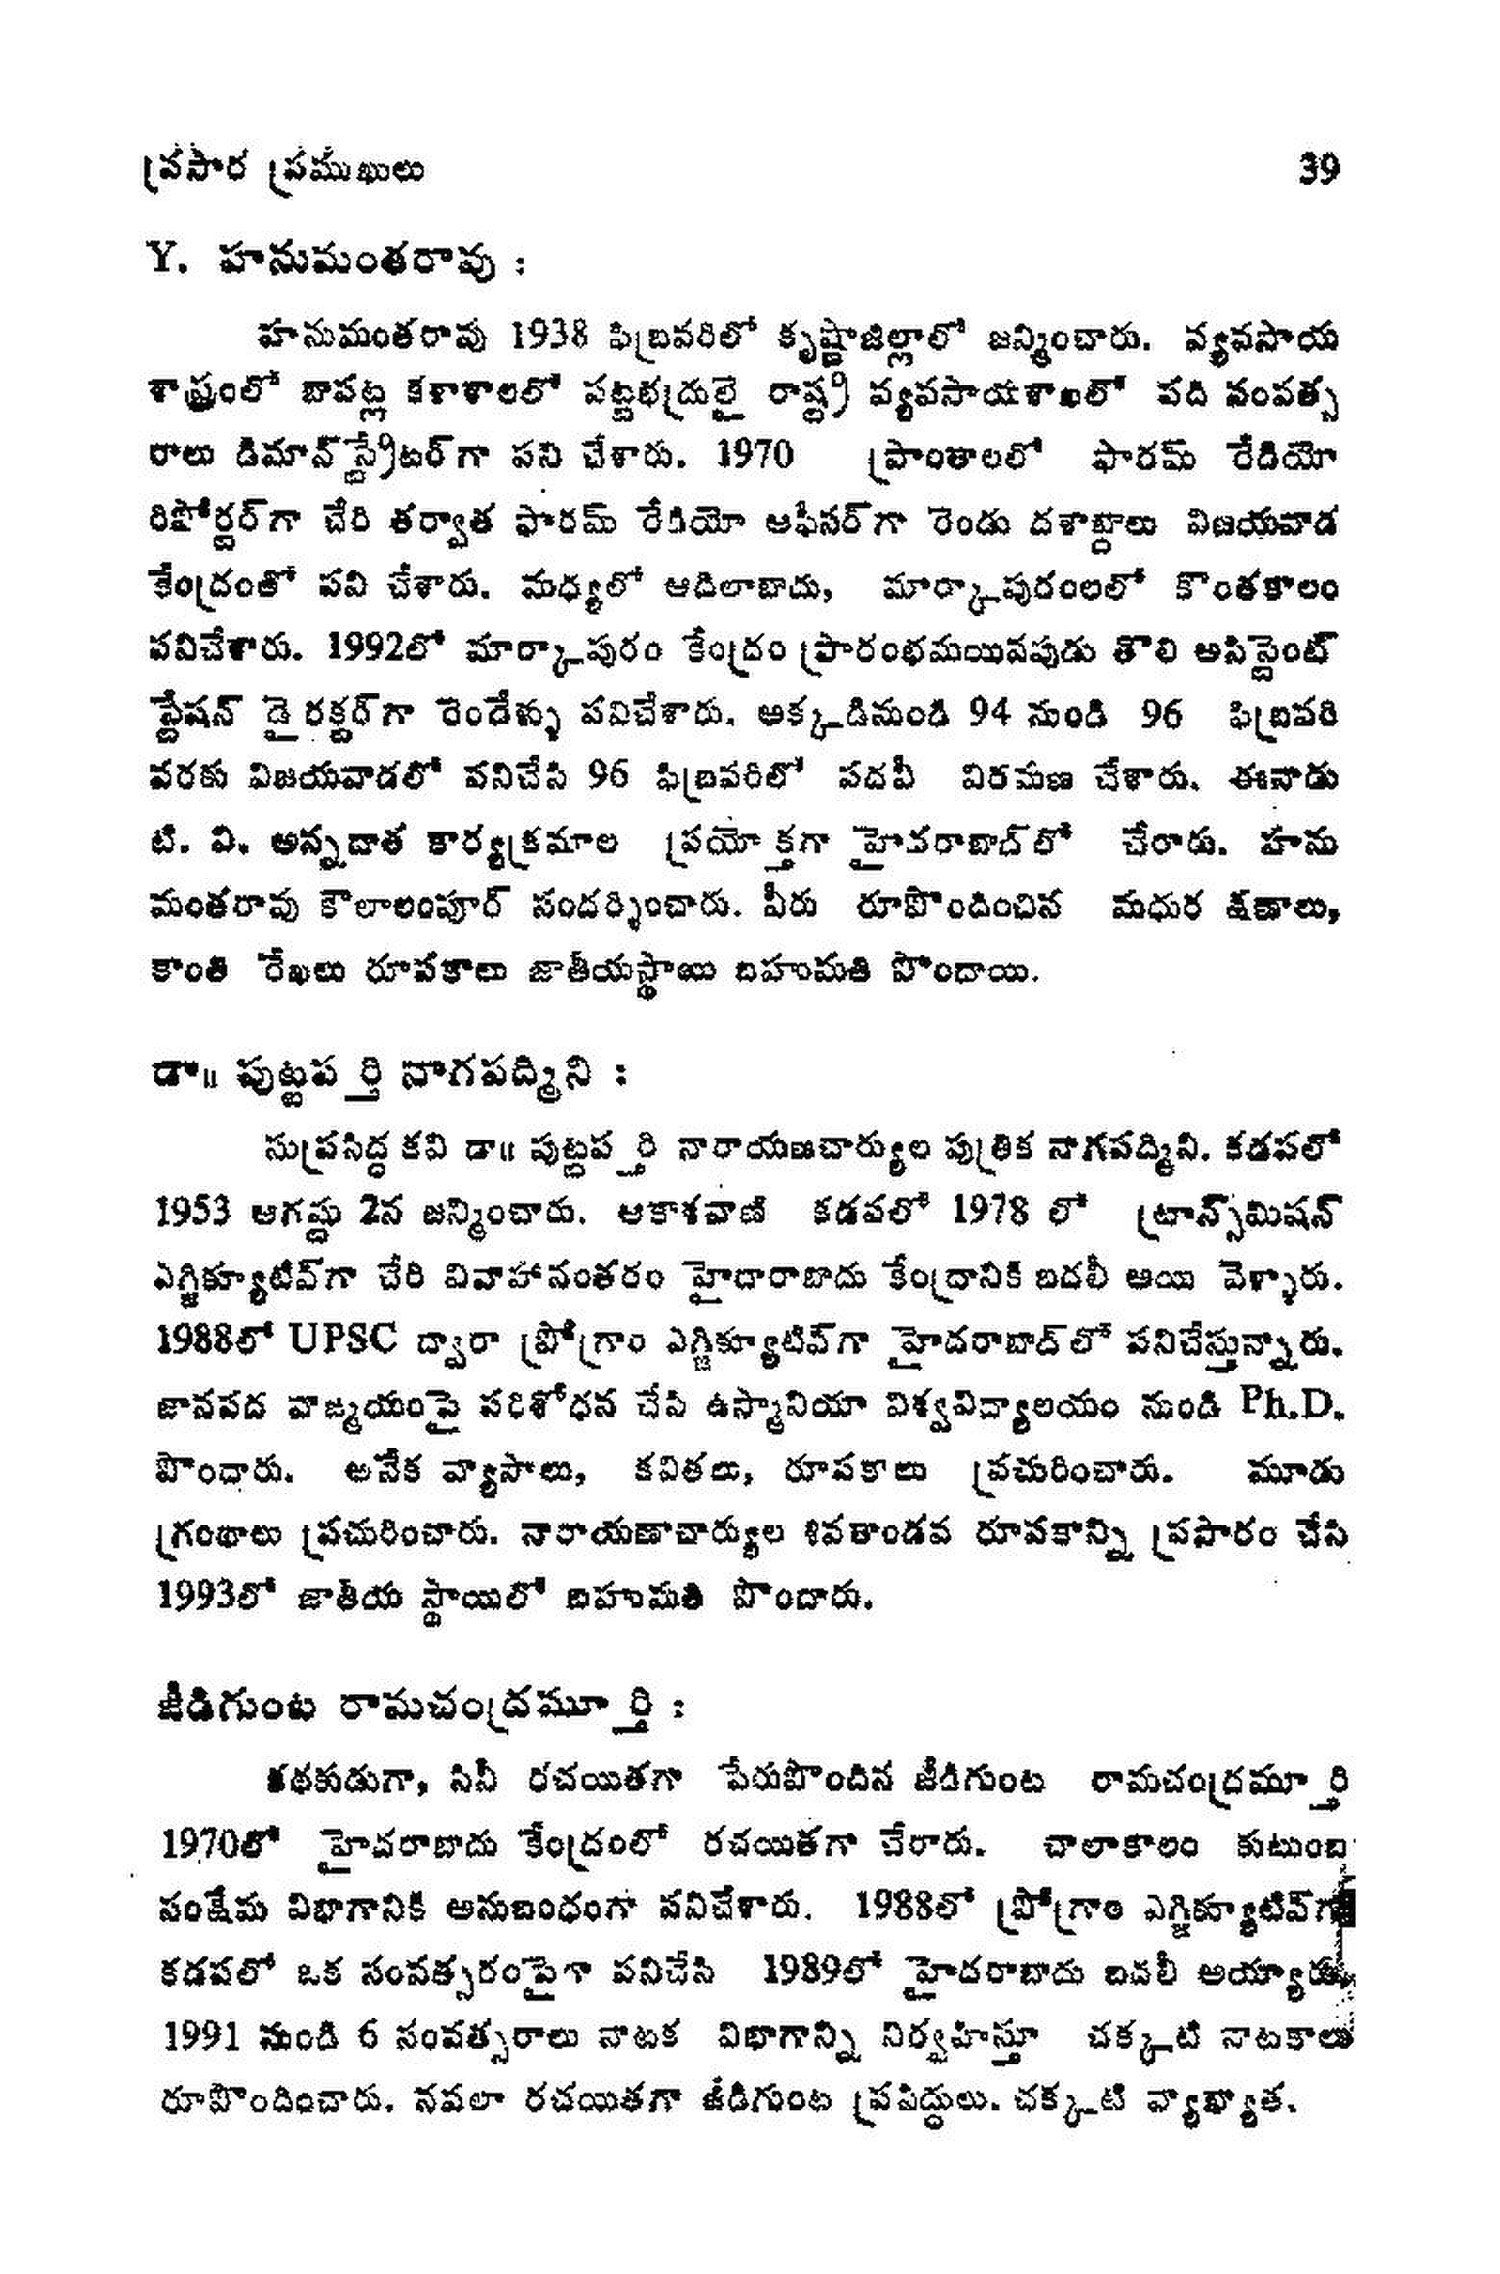హనుమంతరావు 1938 ఫిబ్రవరిలో కృష్ణాజిల్లాలో జన్మించారు. వ్యవసాయ శాస్త్రంలో బాపట్ల కళాశాలలో పట్టభద్రులై రాష్ట్ర వ్యవసాయశాఖలో పది సంవత్సరాలు డిమాన్‌స్ట్రేటర్ గా పని చేశారు. 1970 ప్రాంతాలలో ఫారం రేడియో రిపోర్టర్‌గా చేరి తర్వాత ఫారం రేడియో ఆఫీసర్‌గా రెండు దశాబ్దాలు విజయవాడ కేంద్రంలో పని చేశారు. మధ్యలో ఆదిలాబాదు, మార్కాపురంలలో కొంతకాలం పనిచేశారు. 1992లో మార్కాపురం కేంద్రం ప్రారంభమయినపుడు తొలి అసిస్టెంట్ స్టేషన్ డైరక్టర్‌గా రెండేళ్ళు పనిచేశారు. అక్కడినుండి 94 నుండి 96 ఫిబ్రవరి వరకు విజయవాడలో పనిచేసి 96 ఫిబ్రవరిలో పదవీ విరమణ చేశారు. ఈనాడు టి.వి. అన్నదాత కార్యక్రమాల ప్రయోక్తగా హైదరాబాద్‌లో చేరారు. హనుమంతరావు కౌలాలంపూర్ సందర్శించారు. వీరు రూపొందించిన మధుర క్షణాలు, కాంతిరేఖలు రూపకాలు జాతీయస్థాయి బహుమతి పొందాయి.

సుప్రసిద్ద కవి డా|| పుట్టపర్తి నారాయణచార్యుల పుత్రిక నాగపద్మిని. కడపలో 1953 ఆగస్టు 2న జన్మించారు. ఆకాశవాణి కడపలో 1978లో ట్రాన్స్‌మిషన్ ఎగ్జిక్యూటివ్‌గా చేరి వివాహానంతరం హైదరాబాదు కేంద్రానికి బదలీ అయి వెళ్ళారు. 1988లో UPSC ద్వారా ప్రోగ్రాం ఎగ్జిక్యూటివ్‌గా హైదరాబాద్‌లో పనిచేస్తున్నారు. జానపద వాఙ్మయంపై పరిశోధన చేసి ఉస్మానియా విశ్వవిద్యాలయం నుండి Ph.D. పొందారు. అనేక వ్యాసాలు, కవితలు, రూపకాలు ప్రచురించారు. మూడు గ్రంథాలు ప్రచురించారు. నారాయణాచార్యుల శివతాండవ రూపకాన్ని ప్రసారం చేసి 1993లో జాతీయ స్థాయిలో బహుమతి పొందారు.

కథకుడుగా, సినీ రచయితగా పేరుపొందిన జీడిగుంట రామచంద్రమూర్తి 1970లో హైదరాబాదు కేంద్రంలో రచయితగా చేరారు. చాలాకాలం కుటుంబ సంక్షేమ విభాగానికి అనుబంధంగా పనిచేశారు. 1988లో ప్రోగ్రాం ఎగ్జిక్యూటివ్‌గా కడపలో ఒక సంవత్సరంపైగా పనిచేసి 1989లో హైదరాబాదు బదలీ అయ్యారు. 1991 నుండి 6 సంవత్సరాలు నాటక విభాగాన్ని నిర్వహిస్తూ చక్కటి నాటకాలు రూపొందించారు. నవలా రచయితగా జీడిగుంట ప్రసిద్ధులు. చక్కటి వ్యాఖ్యాత.